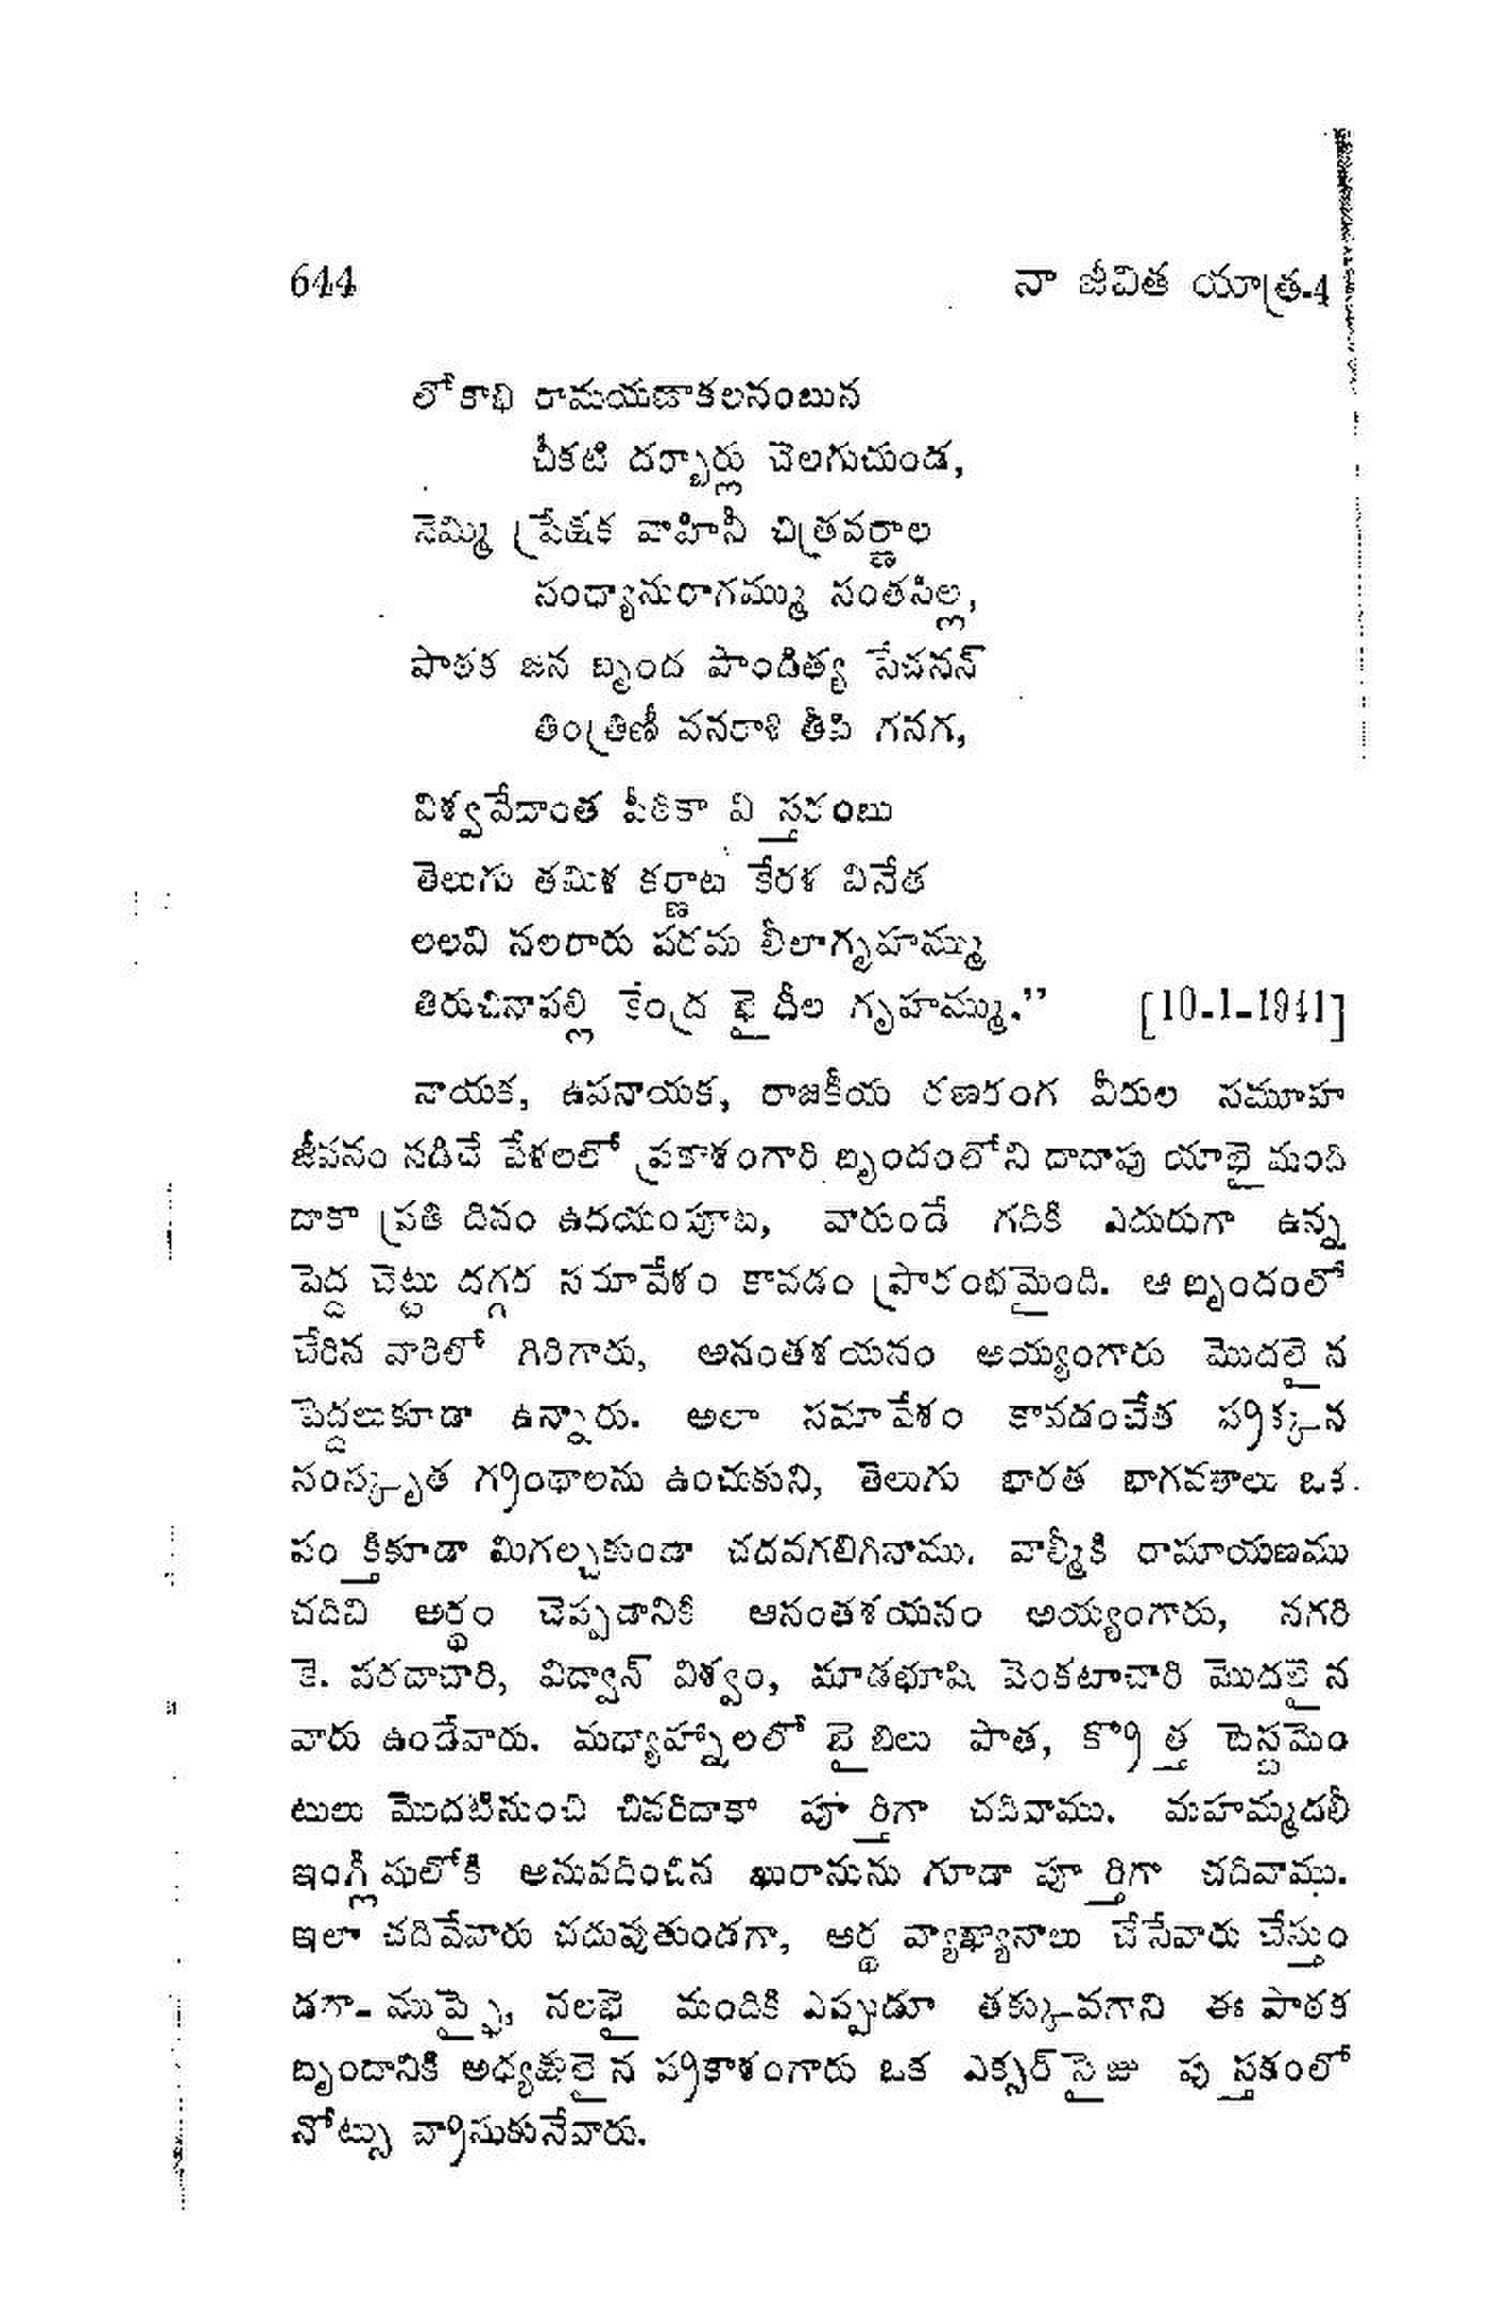లోకాభి రామయణాకలనంబున
 చీకటి దర్బార్లు చెలగుచుండ,
 నెమ్మి ప్రేక్షక వాహినీ చిత్రవర్ణాల
 సంద్యాసురాగమ్ము సంతసిల్ల,
 పాఠాక జన బృంద పాండిత్య సేచనన్
 తింత్రిణీ వనరాశి తీపి గనగ,

 విశ్వవేదాంత పీఠికా విస్తరంబు
 తెలుగు తమిళ కర్ణాట కేరళ వినేత
 లలవి నలరారు పరమ లీలాగృహమ్ము
 తిరుచినాపల్లి కేంద్ర ఖైదీల గృహమ్ము." [ 10-1-1941 ]

నాయక, ఉపనాయక, రాజకీయ రణరంగ వీరుల సమూహ జీవనం నడిచే వేళలలో ప్రకాశంగారి బృందంలోని దాదాపు యాభైమంది దాకా ప్రతి దినం ఉదయంపూట, వారుండే గదికి ఎదురుగా ఉన్న పెద్ద చెట్టు దగ్గర సమావేశం కావడం ప్రారంభమైంది. ఆ బృందంలో చేరిన వారిలో గిరిగారు, అనంతశయనం అయ్యంగారు మొదలైన పెద్దలుకూడా ఉన్నారు. అలా సమావేశం కావడంచేత ప్రక్కన సంస్కృత గ్రంథాలను ఉంచుకుని, తెలుగు భారత భాగవతాలు ఒక పంక్తికూడా మిగల్చకుండా చదవగలిగినాము. వాల్మీకి రామాయణము చదివి అర్థం చెప్పడానికి అనంతశయనం అయ్యంగారు, నగరి కె. వరదాచారి, విద్వాన్ విశ్వం, మాడభూషి వెంకటాచారి మొదలైన వారు ఉండేవారు. మధ్యాహ్నాలలో బైబిలు పాత, క్రొత్త టెస్టమెంటులు మొదటినుంచి చివరిదాకా పూర్తిగా చదివాము. మహమ్మదలీ ఇంగ్లీషులోకి అనువదించిన ఖురానును గూడా పూర్తిగా చదివాము. ఇలా చదివేవారు చదువుతుండగా, అర్థ వ్యాఖ్యానాలు చేసేవారు చేస్తుండగా - ముప్పై, నలబై మందికి ఎప్పుడూ తక్కువగాని ఈ పాఠక బృందానికి అధ్యక్షులైన ప్రకాశంగారు ఒక ఎక్సర్‌సైజు పుస్తకంలో నోట్సు వ్రాసుకునేవారు.